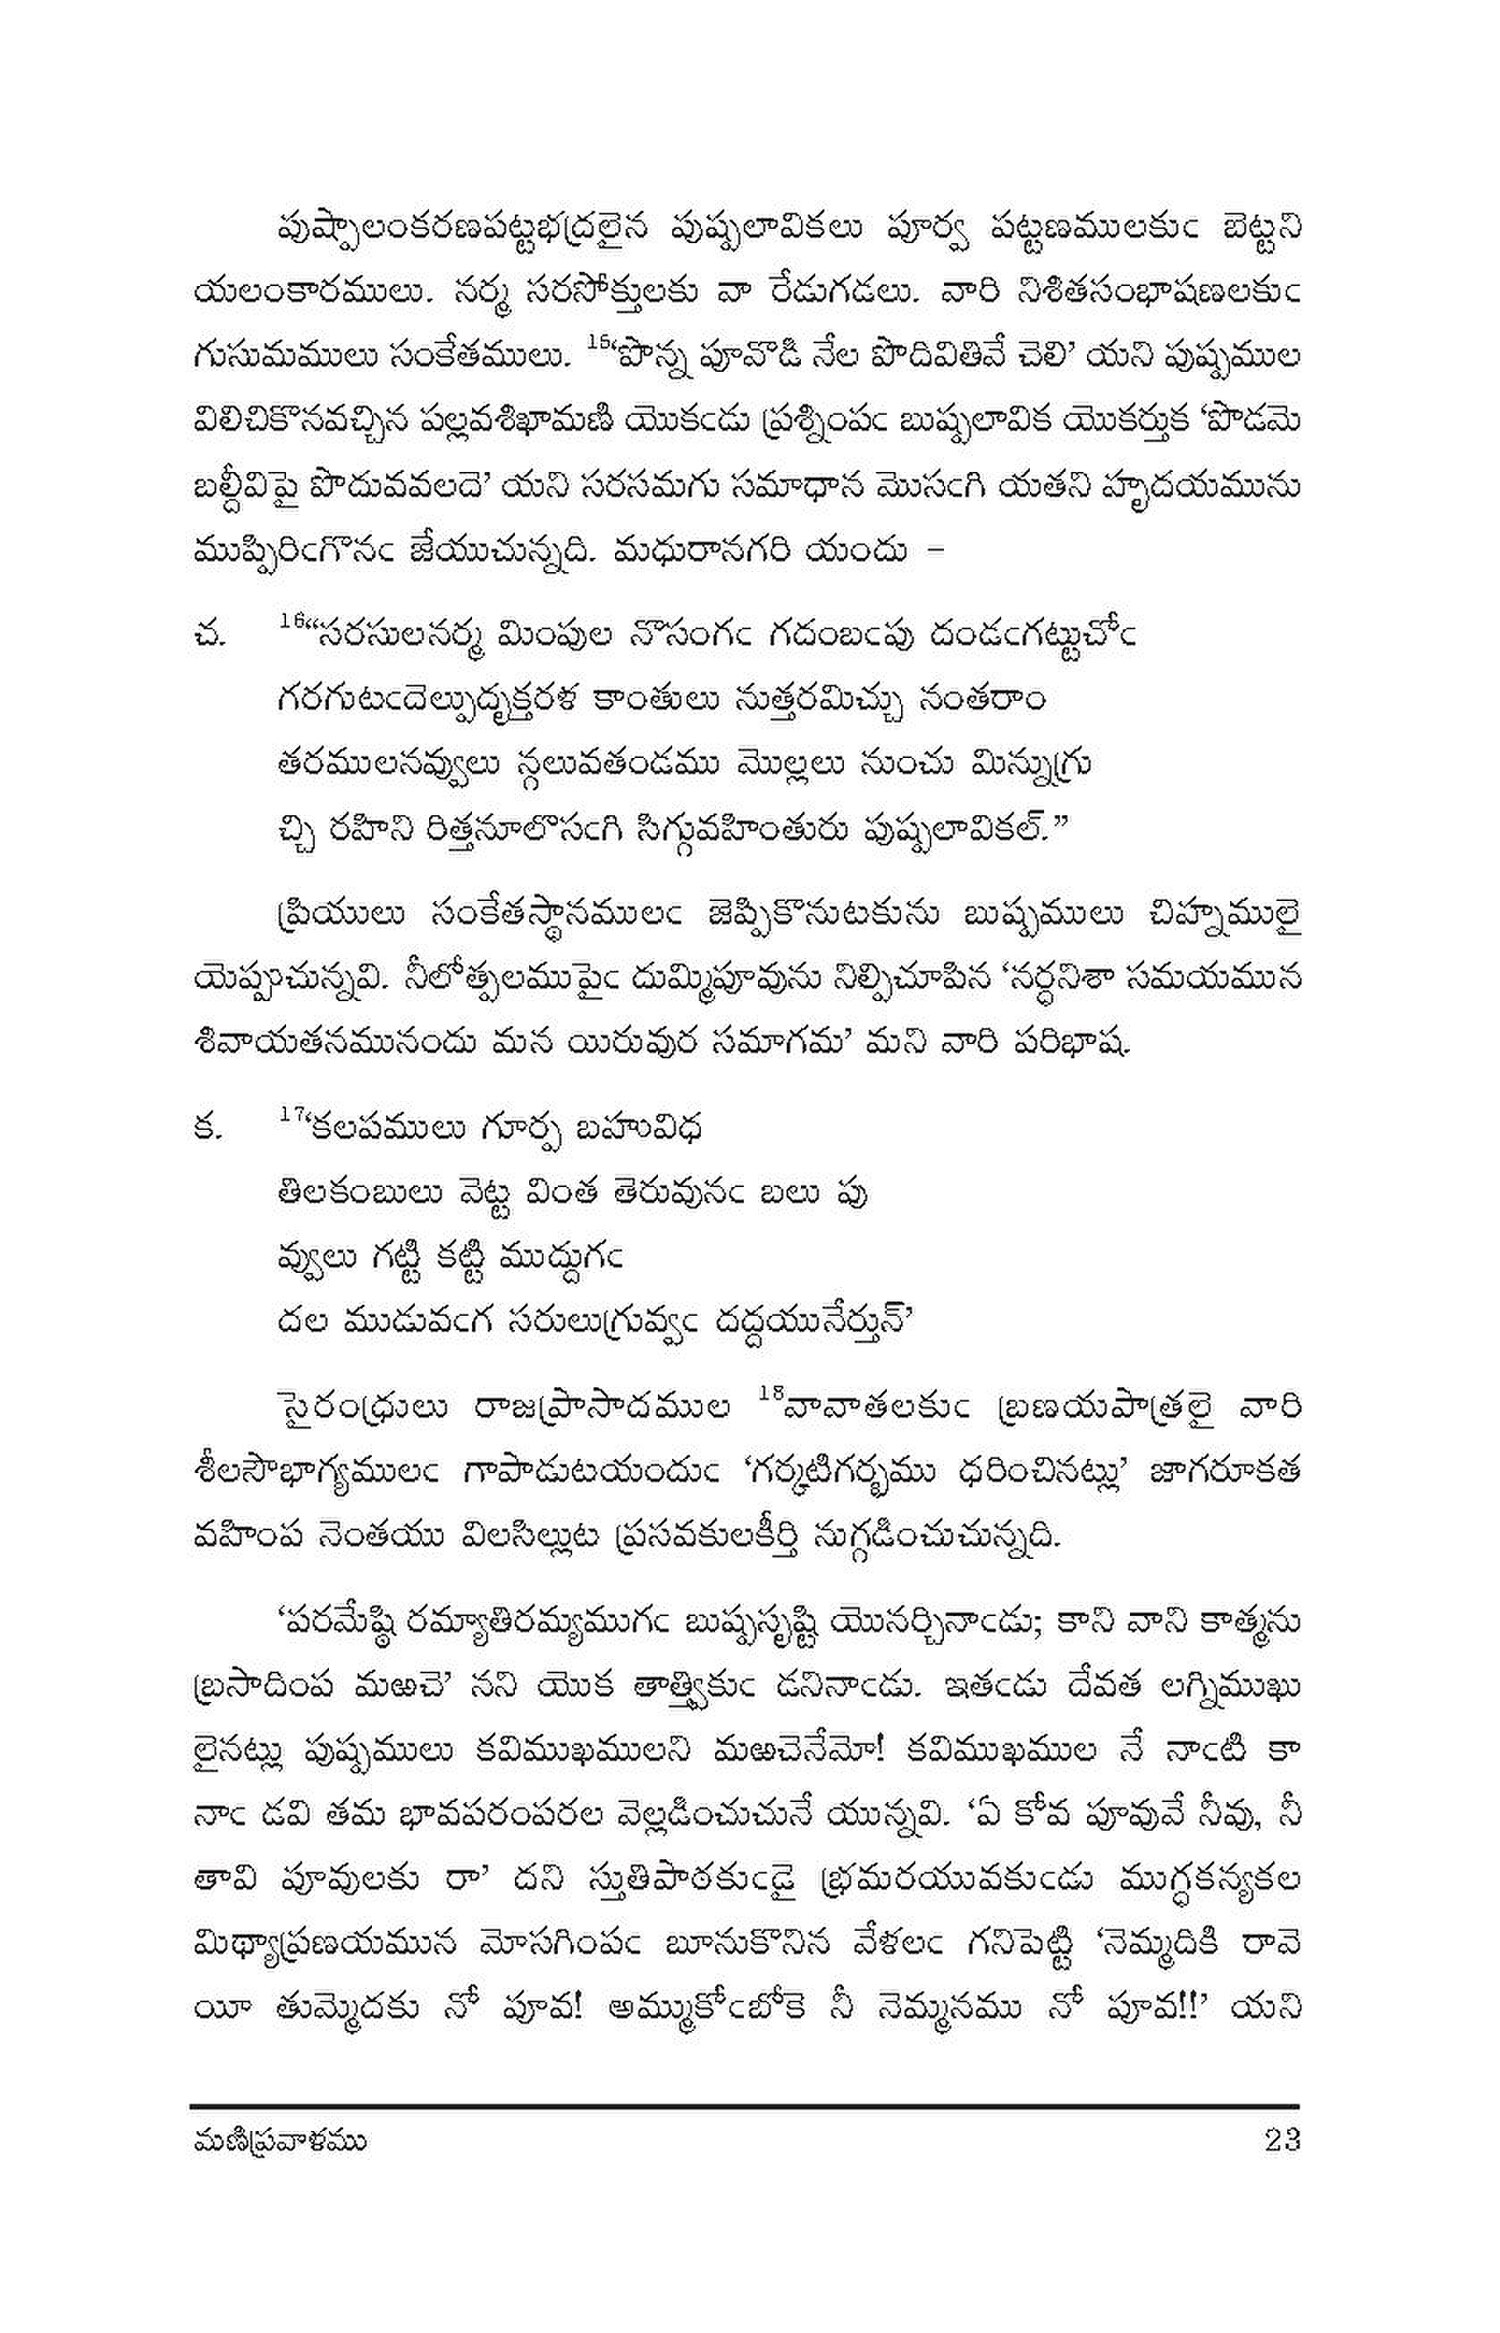పుష్పాలంకరణపట్టభద్రలైన పుష్పలావికలు పూర్వ పట్టణములకుఁ బెట్టని
యలంకారములు. నర్మ సరసోక్తులకు వా రేడుగడలు. వారి నిశితసంభాషణలకుఁ
గుసుమములు సంకేతములు. పొన్న పూవొడి నేల పొదివితివే చెలి' యని పుష్పముల
విలిచికొనవచ్చిన పల్లవశిఖామణి యొకఁడు ప్రశ్నింపఁ బుష్పలావిక కర్తుక 'పొడమె
బల్దీవిపై పొదువవలదె’ యని సరసమగు సమాధాన మొసఁగి యతని హృదయమును
ముప్పిరిఁగొనఁ జేయుచున్నది. మధురానగరి యందు -

చ. "సరసులనర్మ మింపుల నొసంగఁ గదంబఁపు దండఁగట్టుచోఁ
 గరగుటఁదెల్పుదృక్తరళ కాంతులు నుత్తరమిచ్చు నంతరాం
 తరములనవ్వులు న్గలువతండము మొల్లలు నుంచు మిన్నుగ్రు
 చ్చి రహిని రిత్తనూలొసఁగి సిగ్గువహింతురు పుష్పలావికల్.”

ప్రియులు సంకేతస్థానములఁ జెప్పికొనుటకును బుష్పములు చిహ్నములై
యెప్పుచున్నవి. నీలోత్పలముపైఁ దుమ్మిపూవును నిల్పిచూపిన 'నర్ధనిశా సమయమున
శివాయతనమునందు మన యిరువుర సమాగమ' మని వారి పరిభాష.

క.కలపములు గూర్ప బహువిధ
 తిలకంబులు వెట్ట వింత తెరువునఁ బలు పు
 వ్వులు గట్టి కట్టి ముద్దుగ
 దల ముడువఁగ సరులుగ్రువ్వఁ దద్దయునేర్తున్'

సైరంధ్రులు రాజప్రాసాదములు వావాతలకుఁ బ్రణయపాత్రలై వారి
శీలసౌభాగ్యములఁ గాపాడుటయందుఁ 'గర్కటిగర్భము ధరించినట్లు' జాగరూకత
వహింప నెంతయు విలసిల్లుట ప్రసవకులకీర్తి నుగ్గడించుచున్నది.

'పరమేష్ఠి రమ్యాతిరమ్యముగఁ బుష్పసృష్టి యొనర్చినాఁడు; కాని వాని కాత్మను
బ్రసాదింప మఱచె' నని యొక తాత్వికుఁ డనినాఁడు. ఇతఁడు దేవత అగ్నిముఖు
లైనట్లు పుష్పములు కవిముఖములని మఱచెనేమో! కవిముఖముల నే నాఁటి కా
నాఁ డవి తమ భావపరంపరల వెల్లడించుచునే యున్నవి. 'ఏ కోవ పూవునే నీవు, నీ
తావి పూవులకు రా' దని స్తుతిపాఠకుఁడై భ్రమరయువకుఁడు ముగ్ధకన్యకల
మిథ్యాప్రణయమున మోసగింపఁ బూనుకొనిన వేళలఁ గనిపెట్టి 'నెమ్మదికి రావె
యీ తుమ్మెదకు నో పూవ! అమ్ముకోఁబోకె నీ నెమ్మనము నో పూవ!!' యని